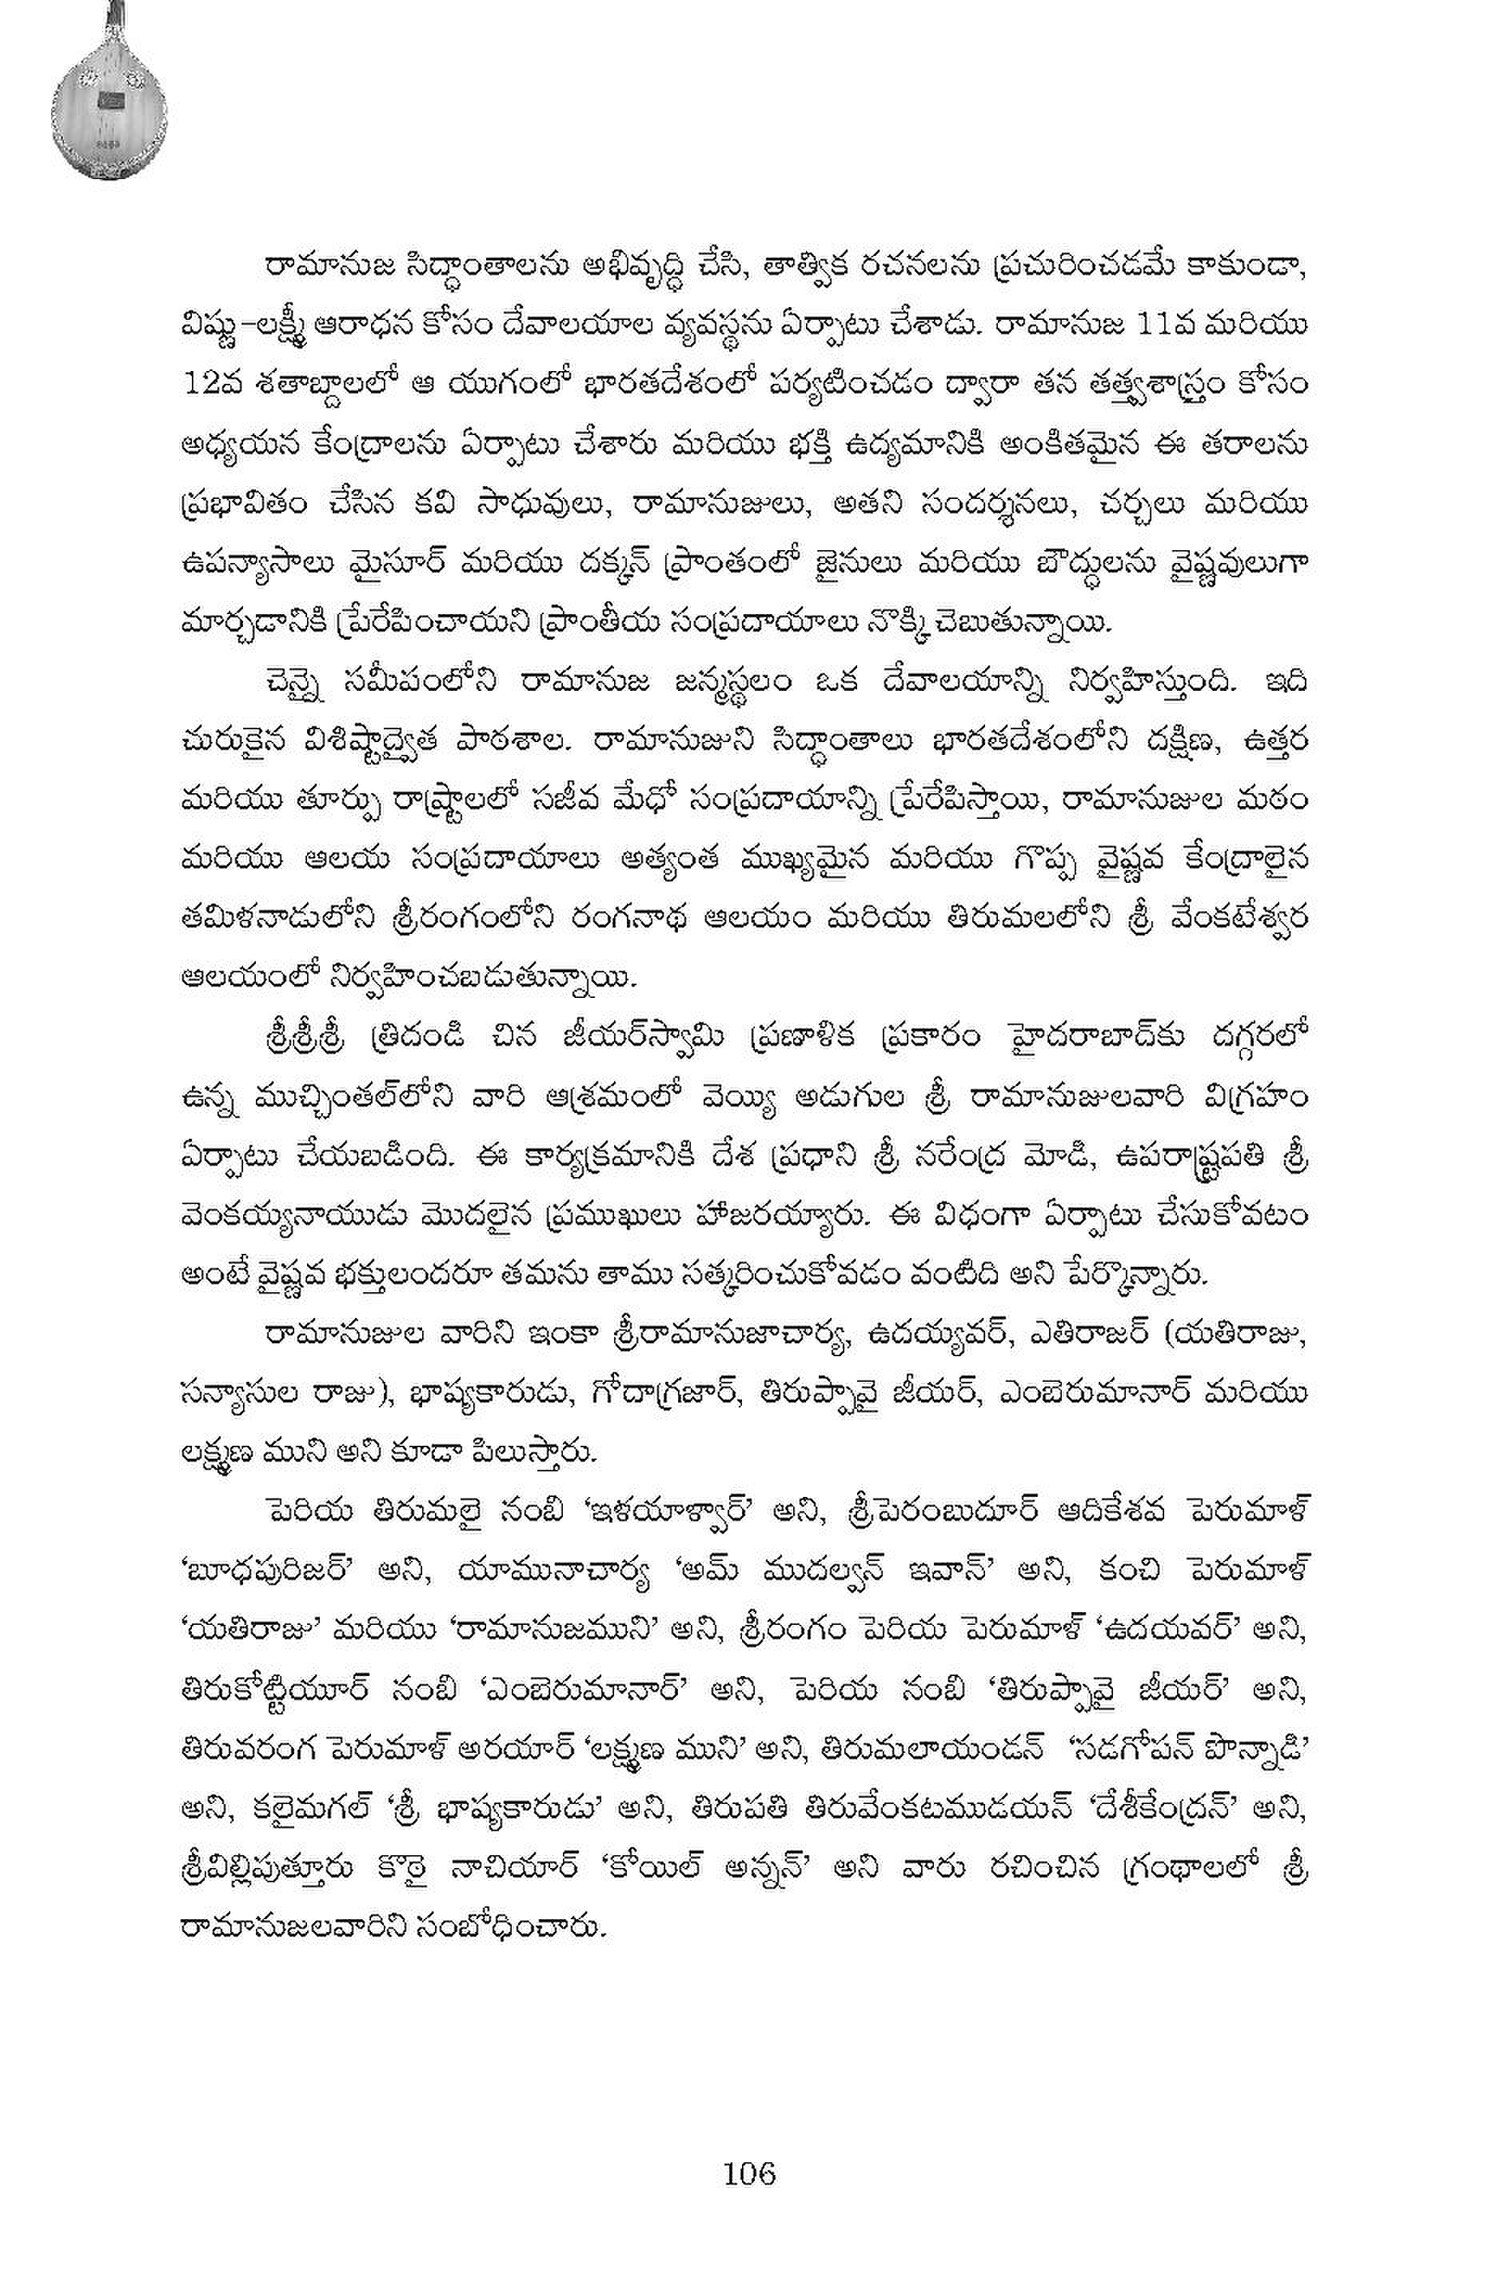రామానుజ సిద్ధాంతాలను అభివృద్ధి చేసి, తాత్విక రచనలను ప్రచురించడమే కాకుండా, విష్ణు-లక్ష్మీ ఆరాధన కోసం దేవాలయాల వ్యవస్థను ఏర్పాటు చేశాడు. రామానుజ 11వ మరియు 12వ శతాబ్దాలలో ఆ యుగంలో భారతదేశంలో పర్యటించడం ద్వారా తన తత్త్వశాస్త్రం కోసం అధ్యయన కేంద్రాలను ఏర్పాటు చేశారు మరియు భక్తి ఉద్యమానికి అంకితమైన ఈ తరాలను ప్రభావితం చేసిన కవి సాధువులు, రామానుజులు, అతని సందర్శనలు, చర్చలు మరియు
ఉపన్యాసాలు మైసూర్ మరియు దక్కన్ ప్రాంతంలో జైనులు మరియు బౌద్ధులను వైష్ణవులుగా మార్చడానికి ప్రేరేపించాయని ప్రాంతీయ సంప్రదాయాలు నొక్కి చెబుతున్నాయి.

చెన్నై సమీపంలోని రామానుజ జన్మస్థలం ఒక దేవాలయాన్ని నిర్వహిస్తుంది. ఇది చురుకైన విశిష్టాద్వైత పాఠశాల. రామానుజుని సిద్ధాంతాలు భారతదేశంలోని దక్షిణ, ఉత్తర మరియు తూర్పు రాష్ట్రాలలో సజీవ మేధో సంప్రదాయాన్ని ప్రేరేపిస్తాయి, రామానుజుల మఠం మరియు ఆలయ సంప్రదాయాలు అత్యంత ముఖ్యమైన మరియు గొప్ప వైష్ణవ కేంద్రాలైన తమిళనాడులోని శ్రీరంగంలోని రంగనాథ ఆలయం మరియు తిరుమలలోని శ్రీ వేంకటేశ్వర ఆలయంలో నిర్వహించబడుతున్నాయి.

శ్రీశ్రీశ్రీ త్రిదండి చిన జీయర్ మి ప్రణాళిక ప్రకారం హైదరాబాద్ కు దగ్గరలో ఉన్న ముచ్చింతల్లోని వారి ఆశ్రమంలో వెయ్యి అడుగుల శ్రీ రామానుజులవారి విగ్రహం ఏర్పాటు చేయబడింది. ఈ కార్యక్రమానికి దేశ ప్రధాని శ్రీ నరేంద్ర మోడి, ఉపరాష్ట్రపతి వెంకయ్యనాయుడు మొదలైన ప్రముఖులు హాజరయ్యారు. ఈ విధంగా ఏర్పాటు చేసుకోవటం అంటే వైష్ణవ భక్తులందరూ తమను తాము సత్కరించుకోవడం వంటిది అని పేర్కొన్నారు.

రామానుజుల వారిని ఇంకా శ్రీరామానుజాచార్య, ఉదయ్యవర్, ఎతిరాజర్ (యతిరాజు, సన్యాసుల రాజు), భాష్యకారుడు, గోదాగ్రజార్, తిరుప్పావై జీయర్, ఎంబెరుమానార్ మరియు లక్ష్మణ ముని అని కూడా పిలుస్తారు.

పెరియ తిరుమలై నంబి 'ఇళయాళ్వార్' అని, శ్రీపెరంబుదూర్ ఆదికేశవ పెరుమాళ్ 'బూధపురిజర్' అని, యామునాచార్య 'అమ్ ముదల్వన్ ఇవాన్' అని, కంచి పెరుమాళ్ 'యతిరాజు' మరియు 'రామానుజముని' అని, శ్రీరంగం పెరియ పెరుమాళ్ 'ఉదయవర్' అని, తిరుకోట్టియూర్ నంబి 'ఎంబెరుమానార్' అని, పెరియ నంబి 'తిరుప్పావై జీయర్' అని,
తిరువరంగ పెరుమాళ్ అరయార్ 'లక్ష్మణ ముని' అని, తిరుమలాయండన్ 'సడగోపన్ పొన్నాడి' అని, కలైమగల్ 'శ్రీ భాష్యకారుడు' అని, తిరుపతి తిరువేంకటముడయన్ 'దేశీకేంద్రన్' అని, శ్రీవిల్లిపుత్తూరు కొరై నాచియార్ 'కోయిల్ అన్నన్' అని వారు రచించిన గ్రంథాలలో శ్రీ రామానుజలవారిని సంబోధించారు.